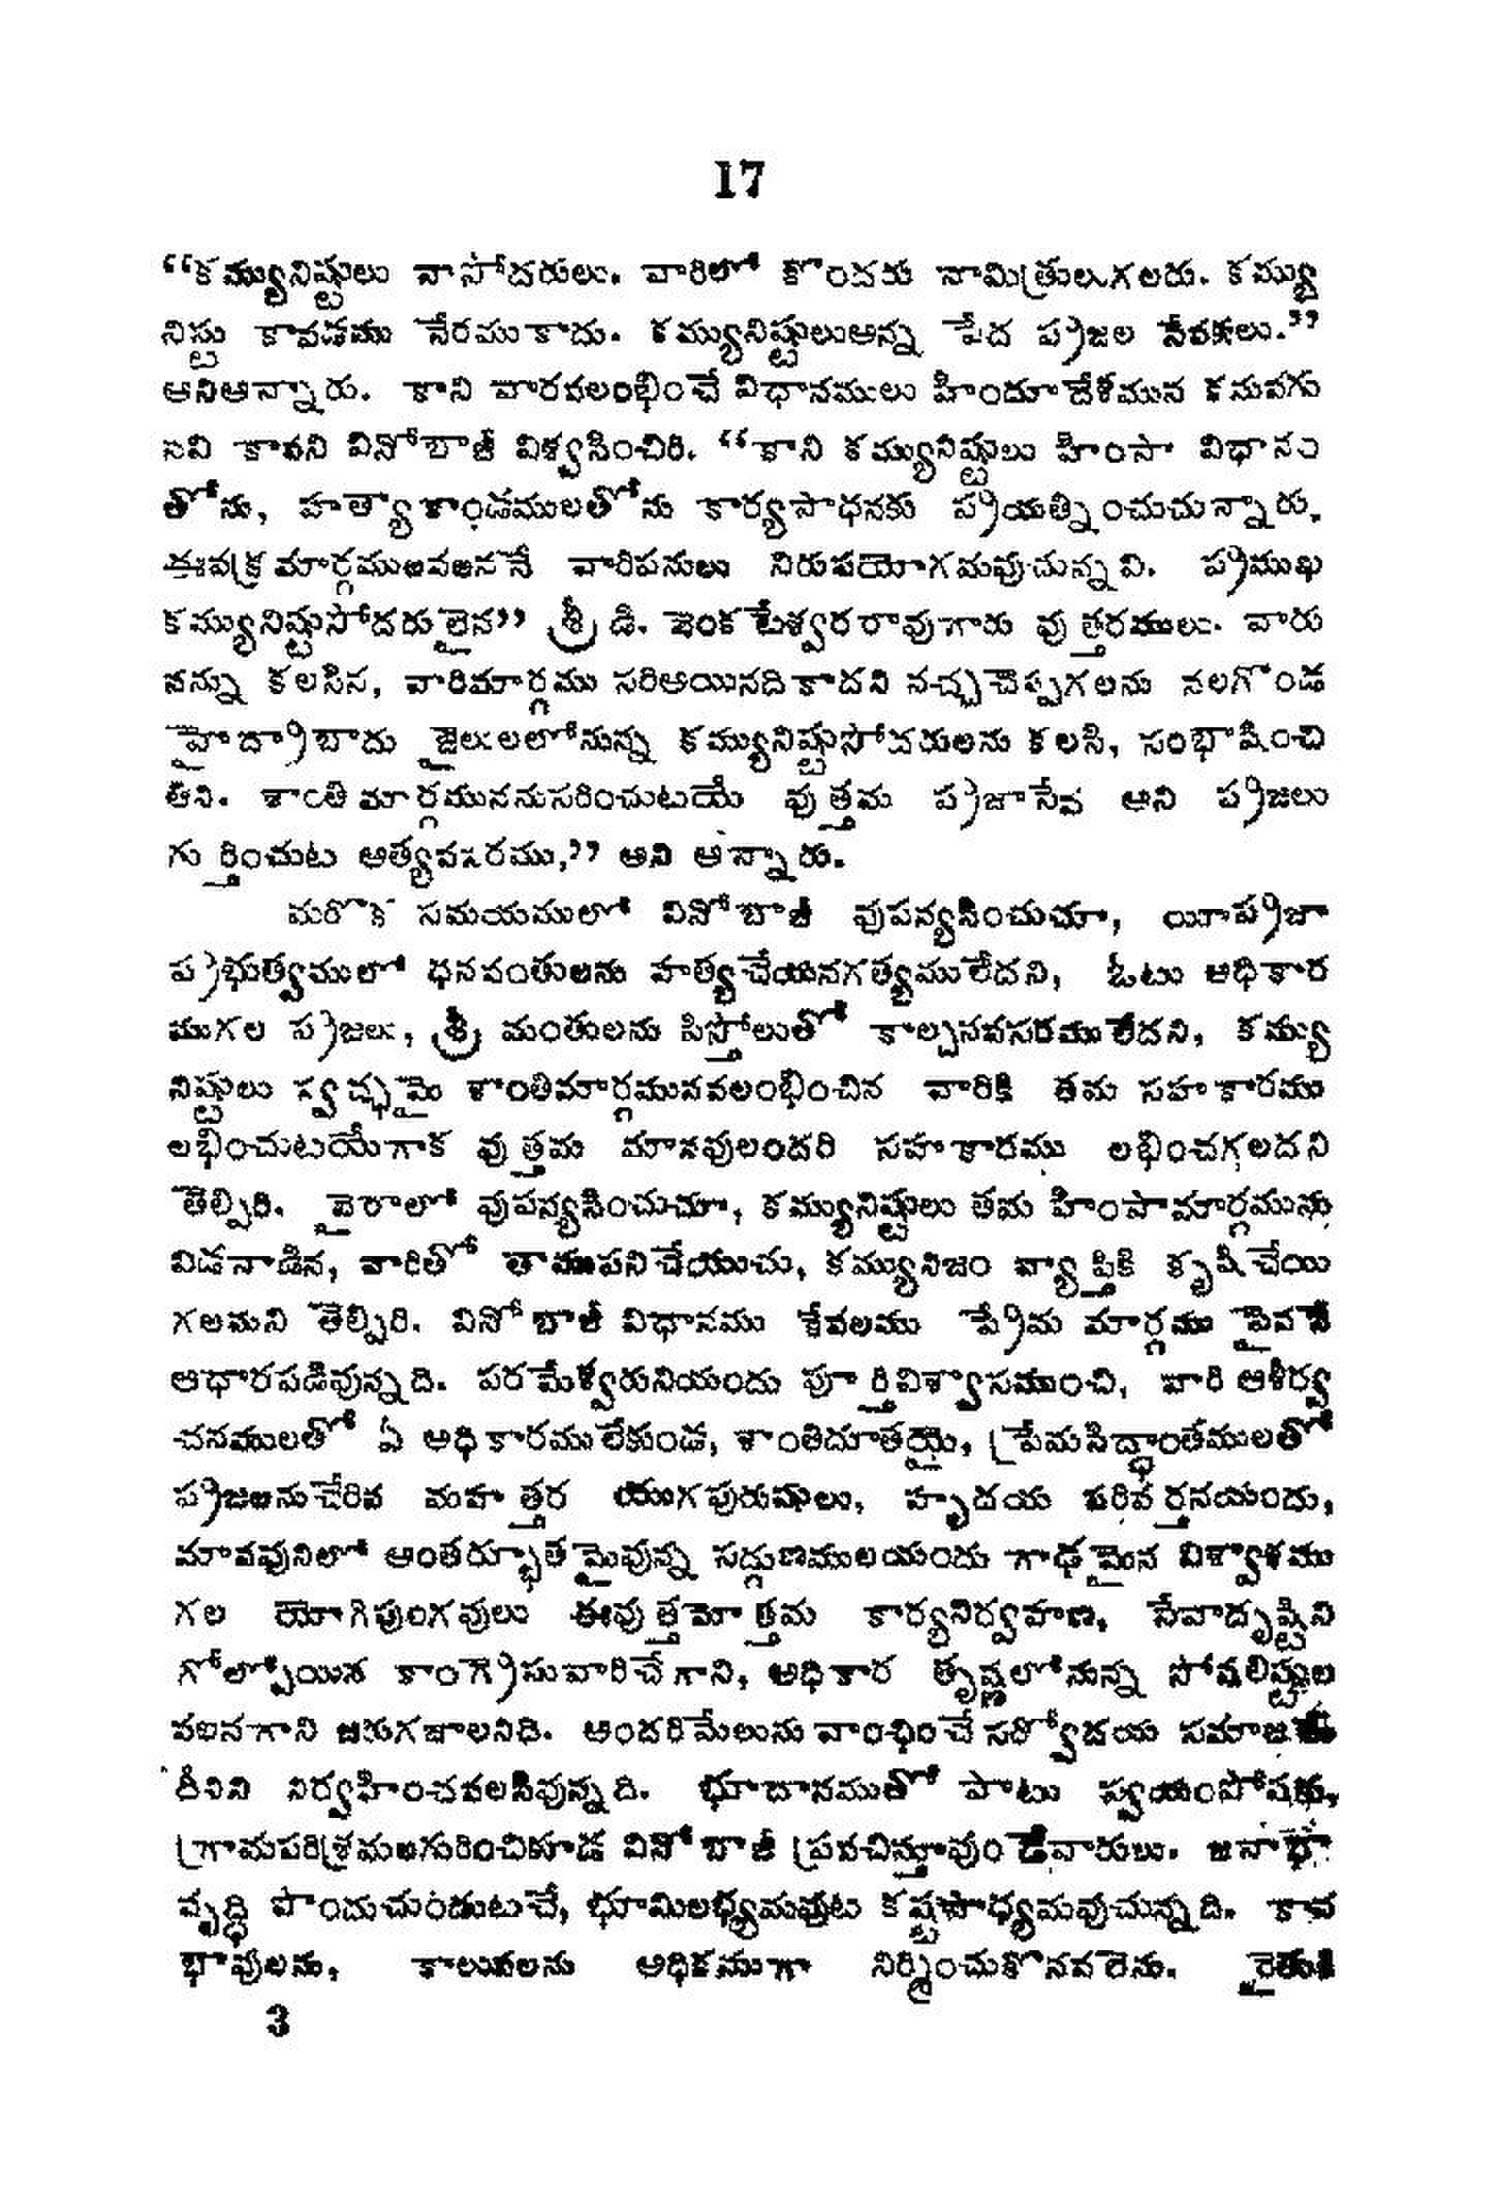"కమ్యునిష్టులు నాసోదరులు. వారిలో కొందరు నామిత్రులుగలరు. కమ్యునిస్టు కావడము నేరముకాదు. కమ్యునిష్టులుఅన్న పేద ప్రజల సేవకలు." అనిఅన్నారు. కాని వారవలంభించే విధానములు హిందూదేశమున కనువగునవి కావని వినోబాజీ విశ్వసించిరి. "కాని కమ్యునిష్టులు హింసా విధానంతోసు, హత్యాకాండములతోను కార్యసాధనకు ప్రయత్నించుచున్నారు. ఈవక్రమార్గమువలననే వారిపనులు నిరుపయోగమవుచున్నవి. ప్రముఖ కమ్యునిష్టుసోదరులైన" శ్రీ డి వెంకటేశ్వరరావు గారు వుత్తరములు. వారు నన్ను కలసిన, వారిమార్గము సరిఅయినది కాదని నచ్చచెప్పగలను నలగొండ హైద్రాబాదు జైలులలోనున్న కమ్యునిష్టుసోదరులను కలసి, సంభాషించితిని. శాంతి మార్గముననుసరించుటయే వుత్తమ ప్రజాసేవ అని ప్రజలు గుర్తించుట అత్యవసరము,” అని అన్నారు.

మరొక సమయములో వినోబాజీ వుపన్యసించుచూ, యీప్రజా ప్రభుత్వములో ధనవంతులను హత్యచేయనగత్యములేదని, ఓటు అధికారముగల ప్రజలు, శ్రీ మంతులను పిస్తోలుతో కాల్చనవసరములేదని, కమ్యునిష్టులు స్వచ్ఛమై శాంతిమార్గమునవలంభించిన వారికి తమ సహకారము లభించుటయేగాక వుత్తమ మానవులందరి సహకారము లభించగలదని తెల్పిరి. బైరాలో వుపస్యసించుచూ, కమ్యునిష్టులు తమ హింసామార్గమును విడనాడిన, వారితో తాముపనిచేయుచు, కమ్యునిజం వ్యాప్తికి కృషి చేయి గలమని తెల్పిరి. వినోబాజీ విధానము కేవలము ప్రేమ మార్గము పైననే ఆధారపడివున్నది. పరమేశ్వరునియందు పూర్తివిశ్వాసముంచి, వారి ఆశీర్వచనములతో ఏ అధికారము లేకుండ, శాంతిదూతయై, ప్రేమసిద్దాంతములతో ప్రజలనుచేరిన మహత్తర యుగపురుషులు, హృదయ పరివర్తనయందు, మానవునిలో ఆంతర్భూత మైవున్న సద్గుణములయందు గాఢమైన విశ్వాశము గల యోగిపుంగవులు ఈవుత్తమోత్తమ కార్యనిర్వహణ, సేవాదృష్టిని గోల్పోయిన కాంగ్రెసువారిచేగాని, అధికార తృష్ణలోనున్న సోషలిస్టుల వలనగాని జరుగజాలనిధి. అందరిమేలును వాంఛించే సర్వోదయ సమాజుకు దీనిని నిర్వహించవలసివున్నది. భూదానముతో పాటు స్వయంపోషకు,
గ్రామపరిశ్రమలగురించికూడ వినోబాజీ ప్రవచిస్తూవుండేవారులు. జనాభా వృద్ధి పొందుచుండుటచే, భూమిలభ్యమవుట కష్టసాధ్యమవుచున్నది. కాన భావులను, కాలువలను అధికముగా నిర్మించుకొనవలెను. రైతుకి